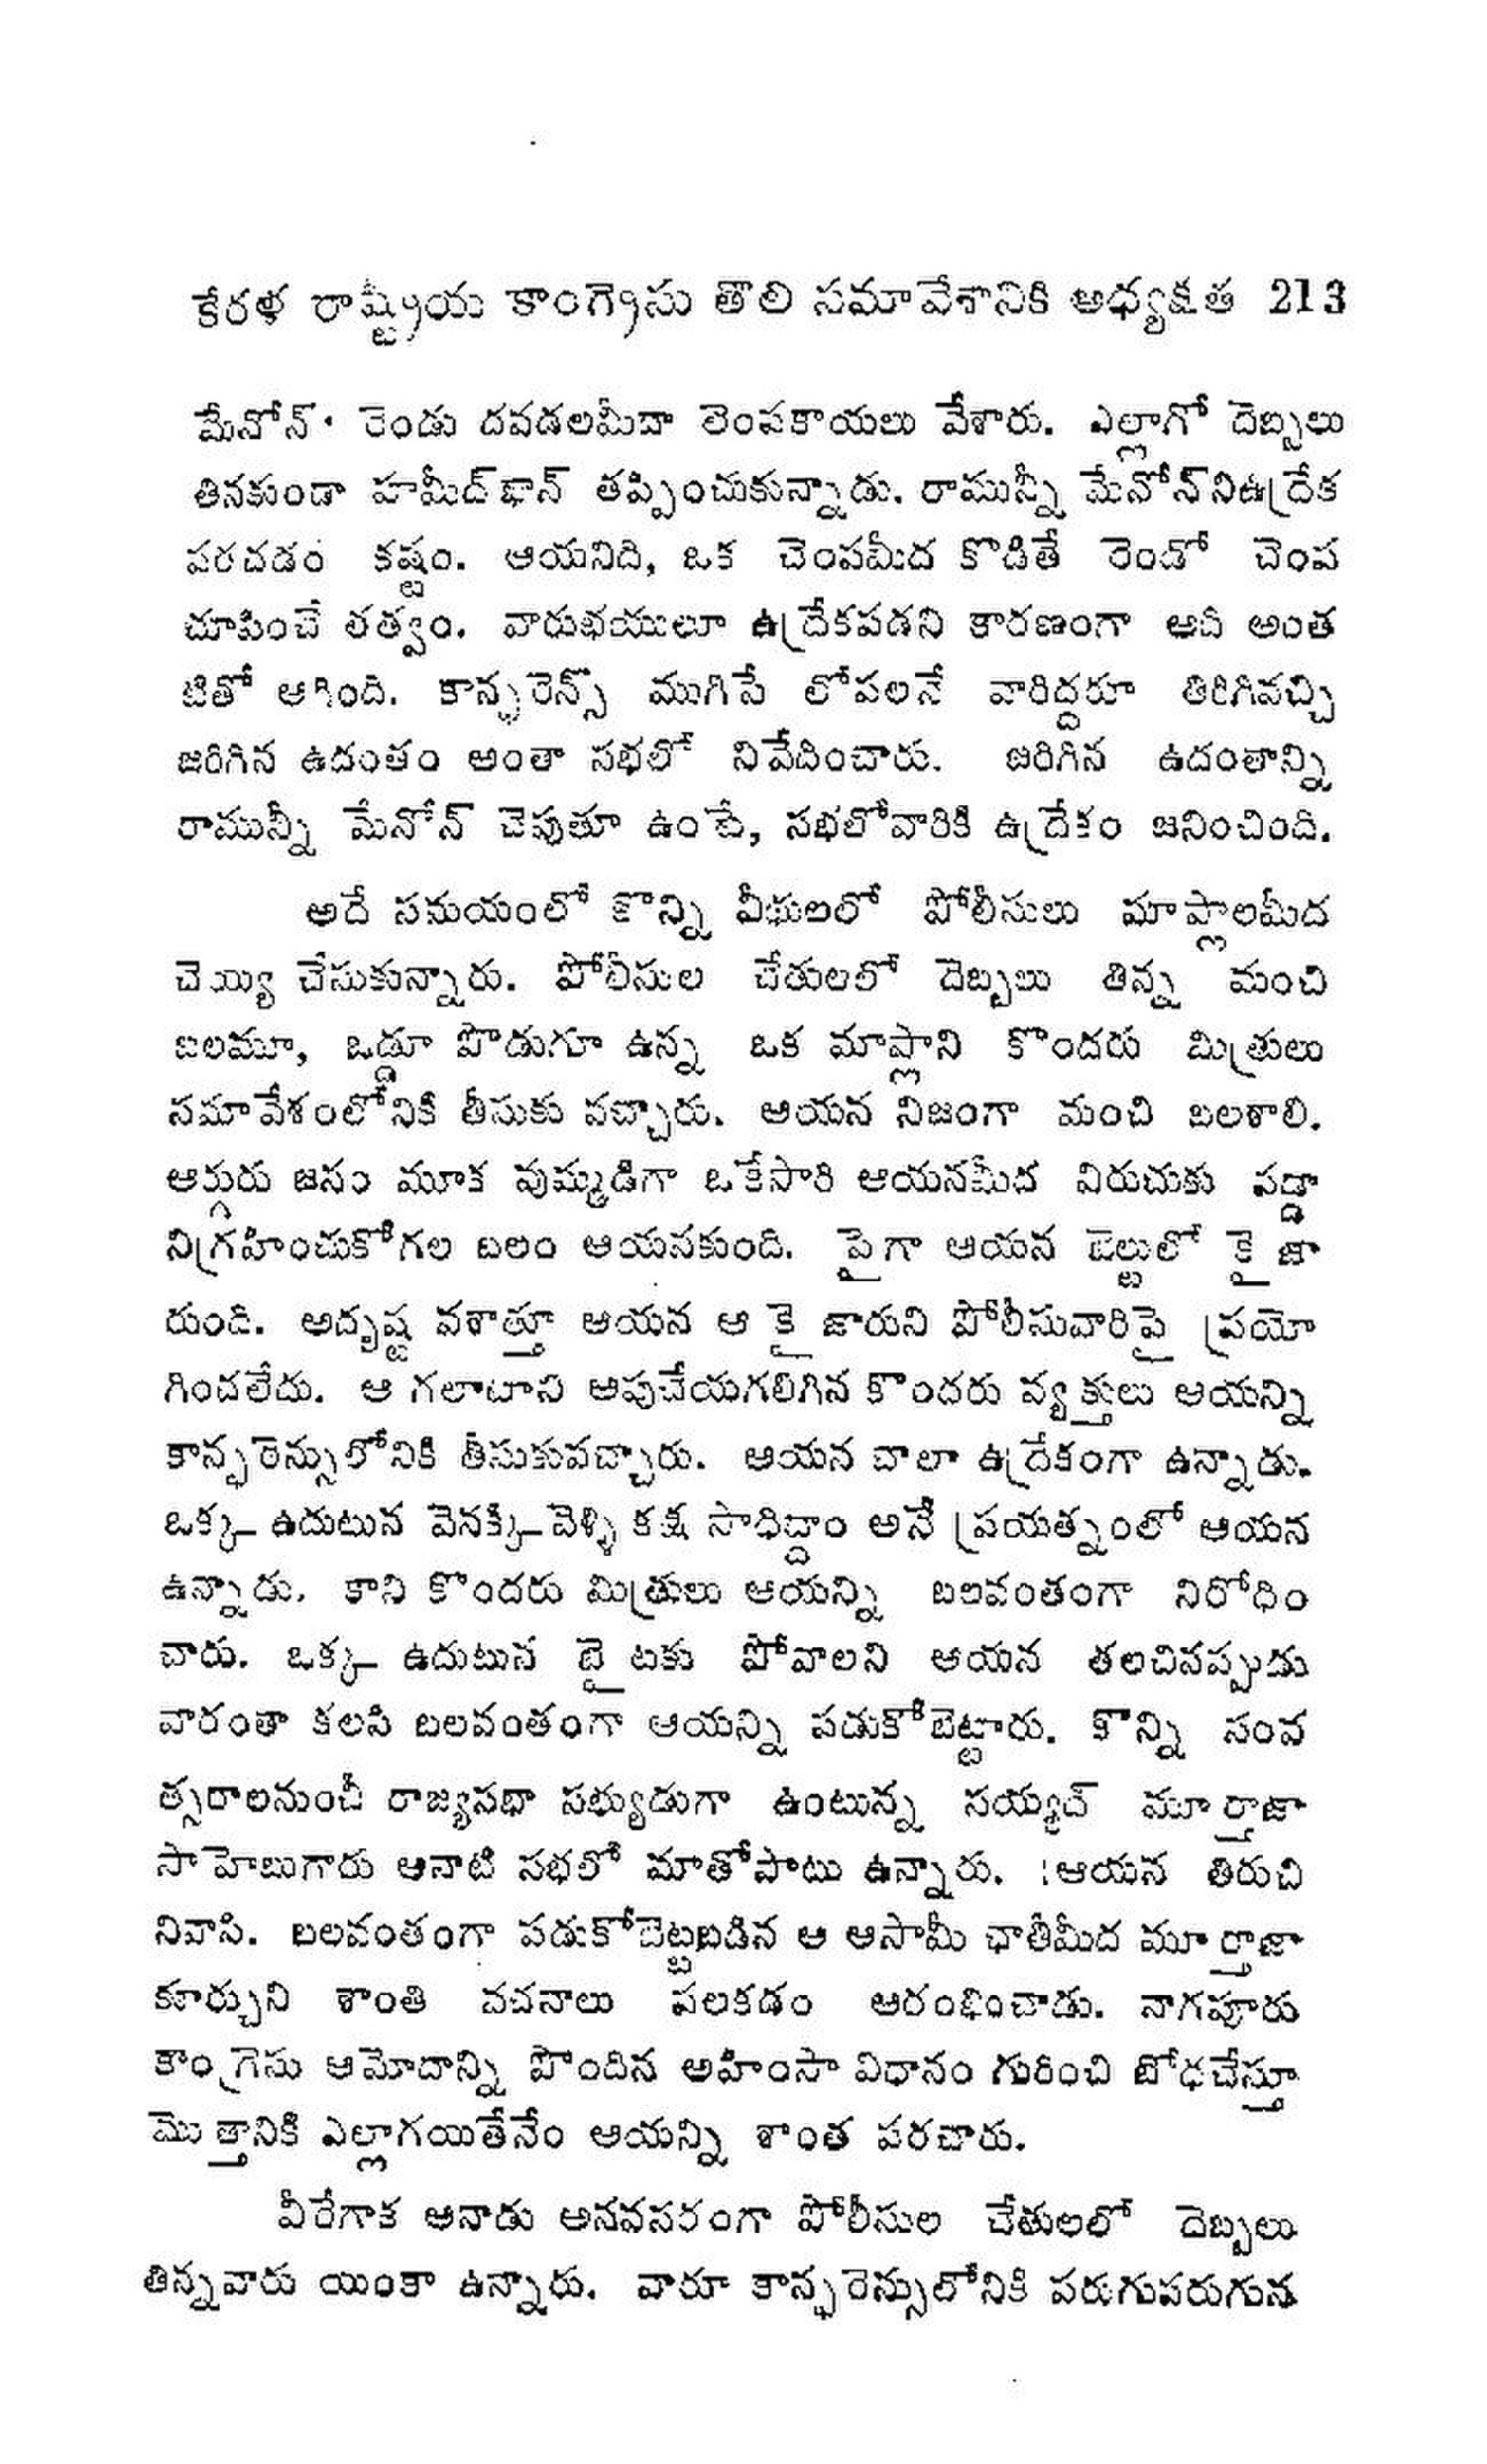మేనోన్ రెండు దవడలమీదా లెంపకాయలు వేశారు. ఎల్లాగో దెబ్బలు తినకుండా హమీద్‌ఖాన్ తప్పించుకున్నాడు. రామున్నీ మేనోన్‌ని ఉద్రేకపరచడం కష్టం. ఆయనిది, ఒక చెంపమీద కొడితే రెండో చెంప చూపించే తత్త్వం. వారుభయులూ ఉద్రేకపడని కారణంగా అది అంతటితో ఆగింది. కాన్ఫరెన్స్ ముగిసే లోపలనే వారిద్దరూ తిరిగివచ్చి జరిగిన ఉదంతం అంతా సభలో నివేదించారు. జరిగిన ఉదంతాన్ని రామున్నీ మేనోన్ చెపుతూ ఉంటే, సభలోవారికి ఉద్రేకం జనించింది.

అదే సమయంలో కొన్ని వీథులలో పోలీసులు మాప్లాలమీద చెయ్యి చేసుకున్నారు. పొలీసుల చేతులలో దెబ్బలు తిన్న మంచి బలమూ, ఒడ్డూ పొడుగూ ఉన్న ఒక మాప్లాని కొందరు మిత్రులు సమావేశంలోనికి తీసుకు వచ్చారు. ఆయన నిజంగా మంచి బలశాలి. ఆర్గురు జనం మూక వుమ్మడిగా ఒకేసారి ఆయనమీద విరుచుక పడ్డా నిగ్రహించుకోగల బలం ఆయనకుంది. పైగా ఆయన బెల్టులో కై జారుంది. అదృష్ట వశాత్తూ ఆయన ఆ కై జారుని పోలీసువారిపై ప్రయోగించలేదు. ఆ గలటాని ఆపుచేయగలిగిన కొందరు వ్యక్తులు ఆయన్ని కాన్ఫరెన్సులోనికి తీసుకువచ్చారు. ఆయన చాలా ఉద్రేకంగా ఉన్నాడు. ఒక్క ఉదుటున వెనక్కి వెళ్ళి కక్ష సాధిద్దాం అనే ప్రయత్నంలో ఆయన ఉన్నాడు. కాని కొందరు మిత్రులు ఆయన్ని బలవంతంగా నిరోధించారు. ఒక్క ఉదుటున బైటకుపోవాలని ఆయన తలచినప్పుడు వారంతా కలసి బలవంతంగా ఆయన్ని పడుకోబెట్టారు. కొన్ని సంవత్సరాలనుంచీ రాజ్యసభా సభ్యుడుగా ఉంటున్న సయ్యద్ మూర్తాజా సాహెబుగారు ఆనాటి సభలో మాతోపాటు ఉన్నారు. ఆయన తిరుచి నివాసి. బలవంతంగా పడుకోబెట్టబడిన అ ఆసామీ ఛాతీమీద మూర్తజా కూర్చుని శాంతి వచనాలు పలకడం ఆరంభించాడు. నాగపూరు కాంగ్రెసు ఆమోదాన్ని పొందిన అహింసా విధానం గురించి బోధచేస్తూ మొత్తానికి ఎల్లాగయితేనేం అయన్ని శాంత పరచారు.

వీరేగాక ఆనాడు అనవసరంగా పోలీసుల చేతులలో దెబ్బలు తిన్నవారు యింకా ఉన్నారు. వారూ కాన్ఫరెన్సులోనికి పరుగుపరుగున